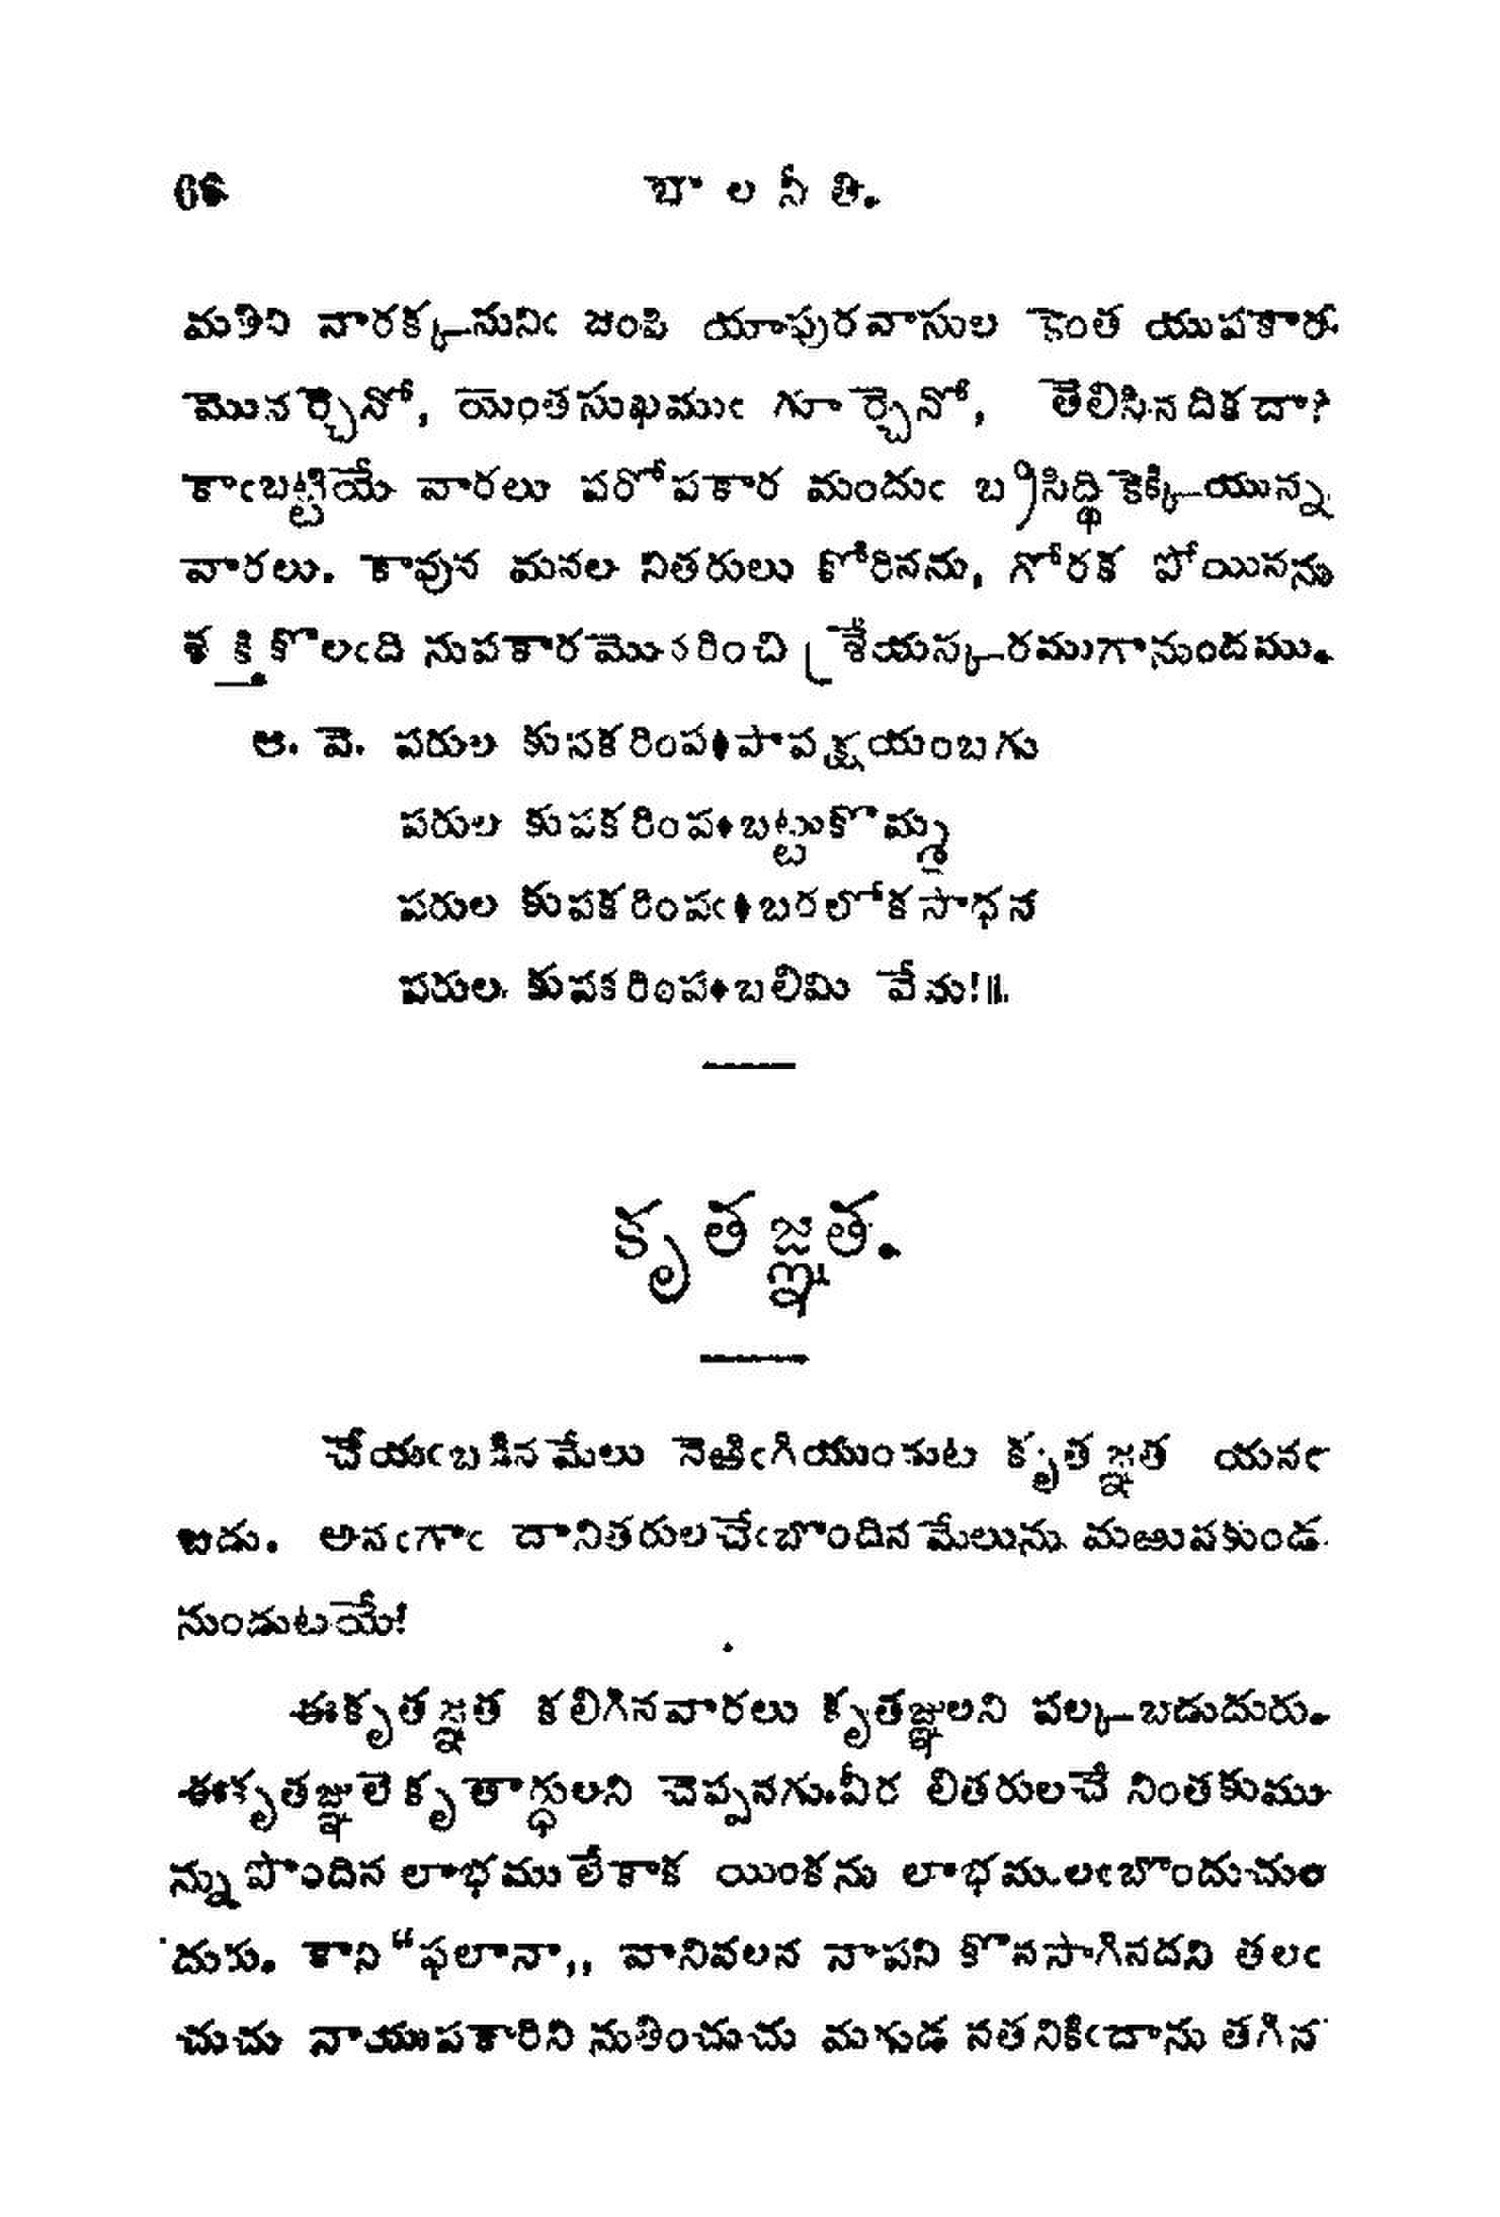మతిని నారక్కసునిఁ జంపి యాపురవాసుల కెంత యుపకార
మొనర్చెనో, యెంతసుఖముఁ గూర్చెనో, తెలిసినదికదా? 
కాఁబట్టియే వారలు పరోపకార మందుఁ బ్రసిద్ధికెక్కియున్న
వారలు. కావున మనల నితరులు కోరినను, గొరక పోయినను 
శక్తికొలఁది నుపకారమొనరించి శ్రేయస్కరముగానుందము.

ఆ. వె. పరుల కుపకరింప♦పాపక్షయంబగు
 పరుల కుపకరింప♦బట్టుకొమ్మ
 పరుల కుపకరింపఁ♦బరలోకసాధన
 పరుల కుపకరింప♦బలిమి వేమ!॥

కృతజ్ఞత.

చేయఁబడినమేలు నెఱిఁగియుండుట కృతజ్ఞత యనఁ
బడు. అనఁగాఁ దానితరులచేఁబొందినమేలును మఱువకుండ 
నుండుటయే!

ఈకృతజ్ఞత కలిగినవారలు కృతజ్ఞులని పల్కబడుదురు. 
ఈకృతజ్ఞులెకృతార్ధులని చెప్పనగు. వీర లితరులచే నింతకుము
న్నుపొందిన లాభములేకాక యింకను లాభములఁబొందుచుం
దురు. కాని "ఫలానా" వానివలన నాపని కొనసాగినదని తలఁ
చుచు నాయుపకారిని నుతించుచు మగుడ నతనికిఁదాను తగిన